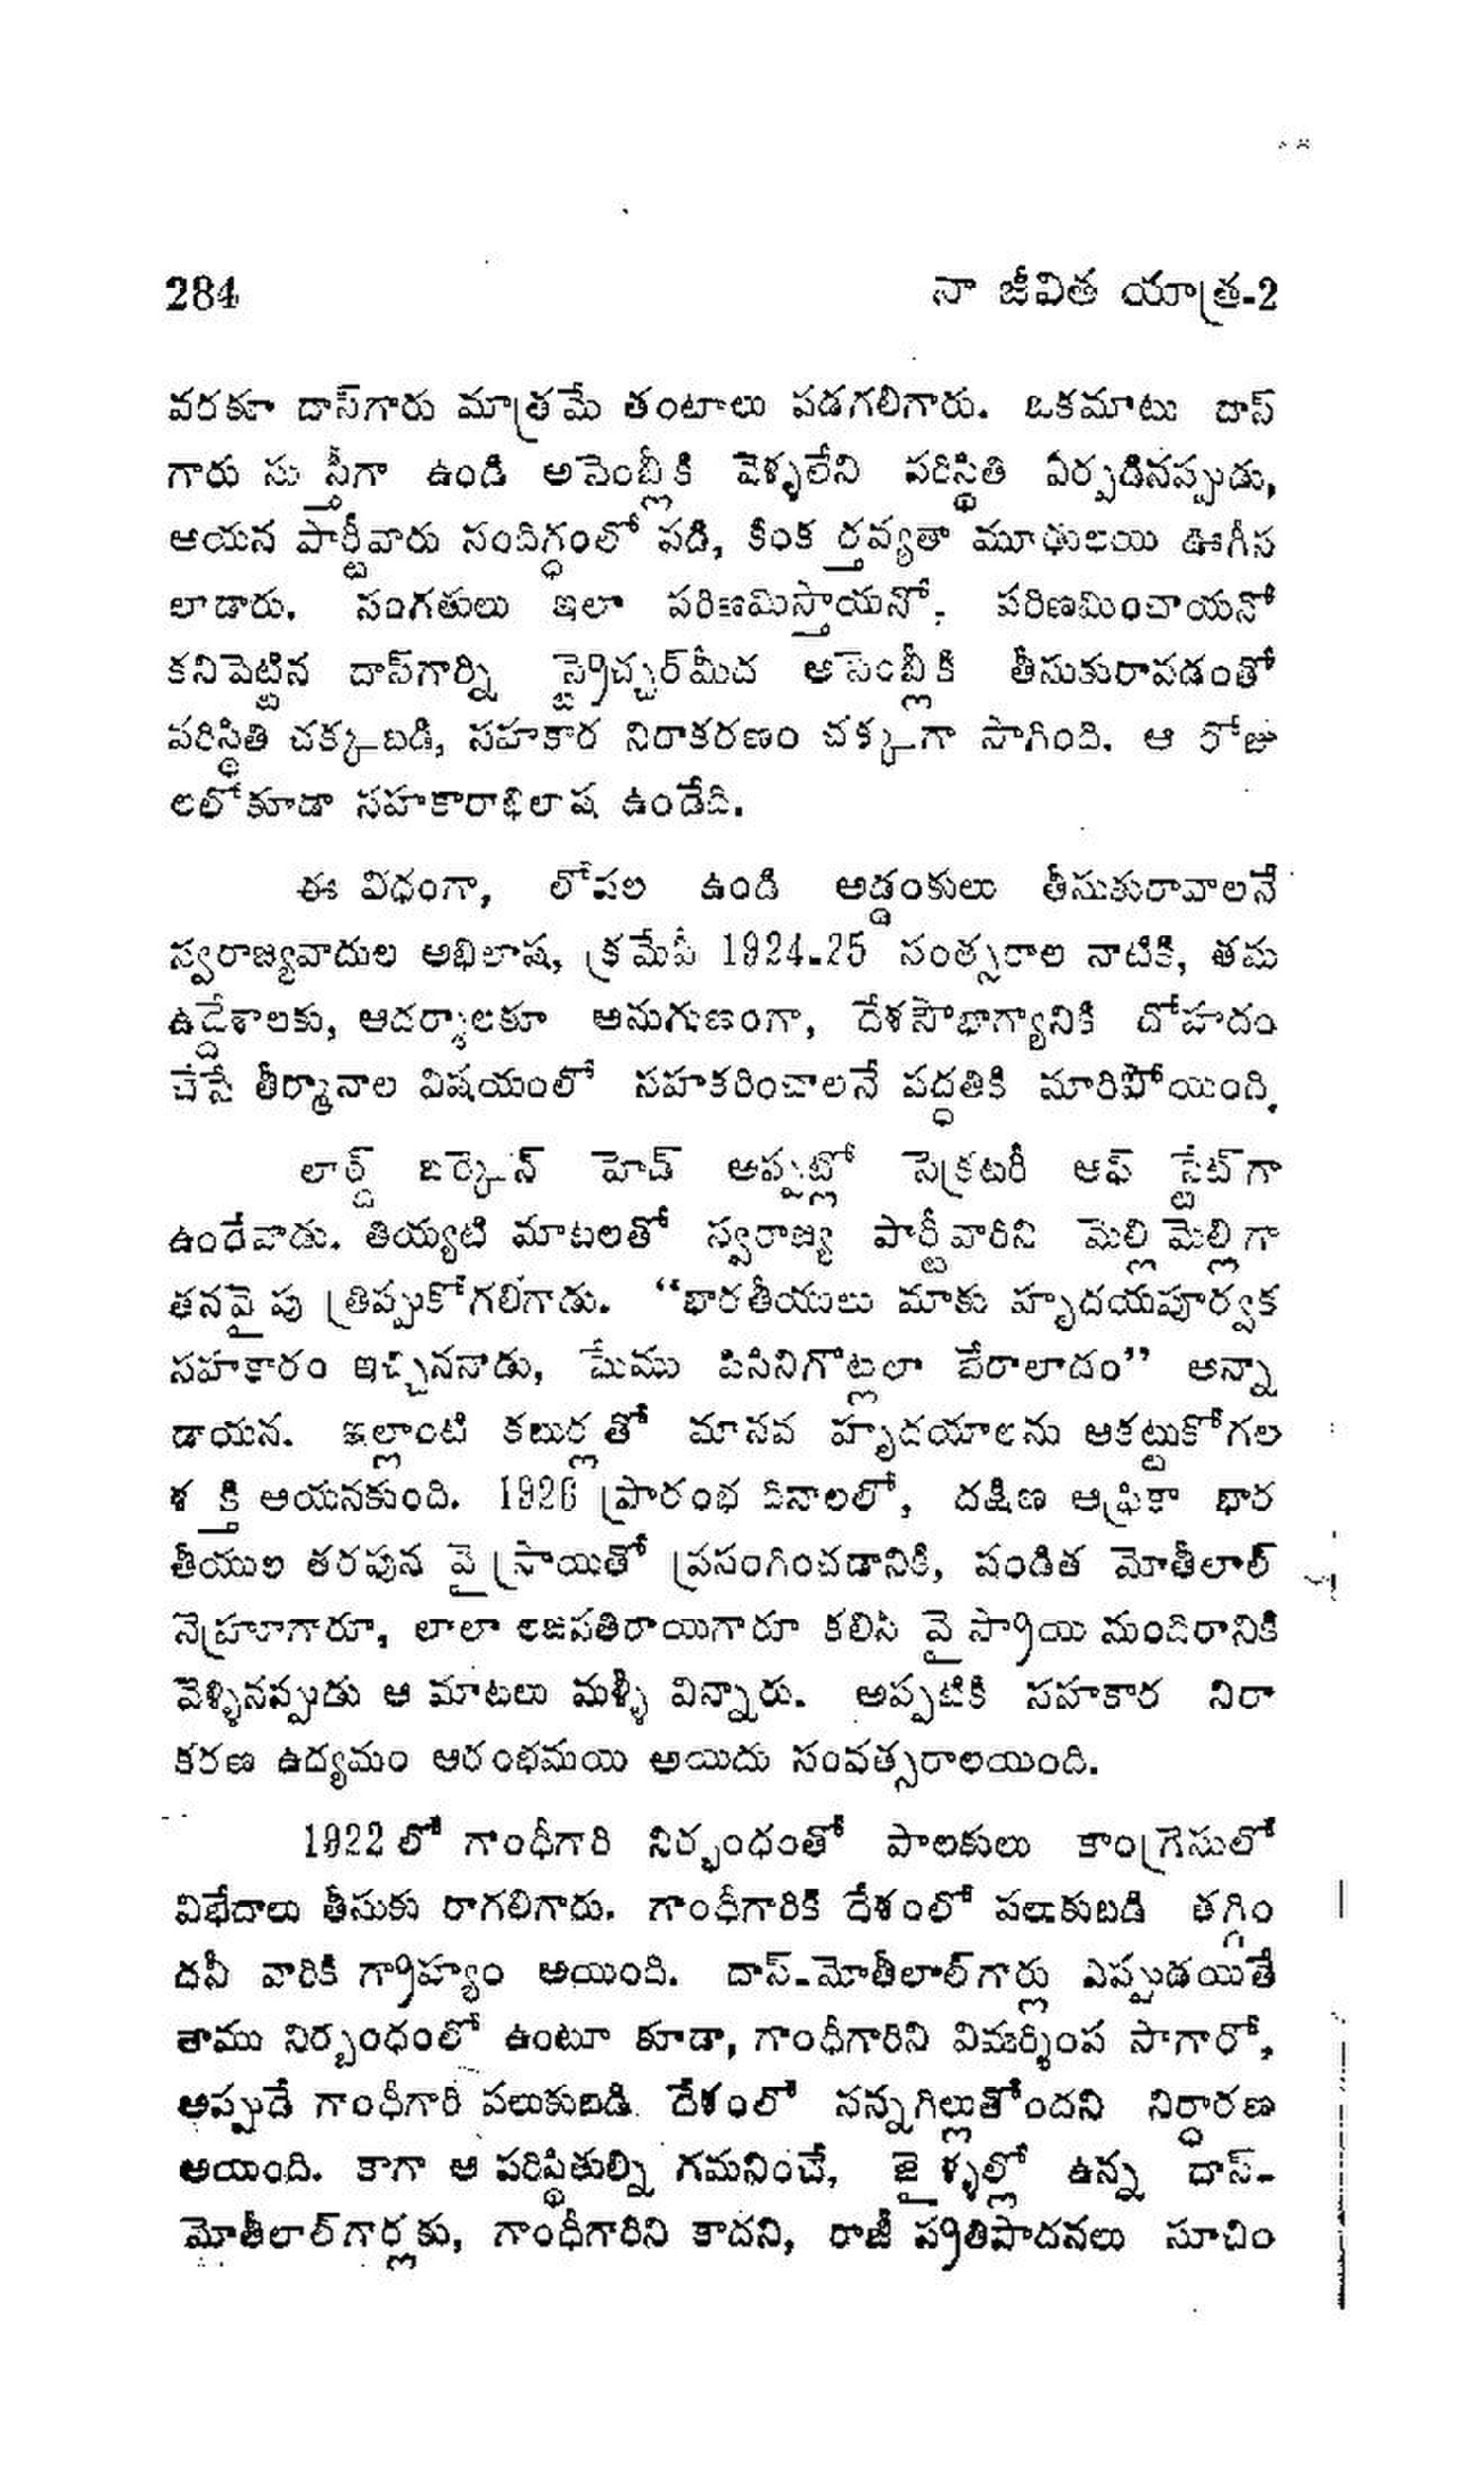వరకూ దాస్‌గారు మాత్రమే తంటాలు పడగలిగారు. ఒకమాటు దాస్‌గారు సుస్తీగా ఉండి అసెంబ్లీకి వెళ్ళలేని పరిస్థితి ఏర్పడినప్పుడు, ఆయన పార్టీవారు సందిగ్దంలో పడి, కింకర్తవ్యతా మూడులయి ఊగిసలాడారు. సంగతులు ఇలా పరిణమిస్తాయనో, పరిణమించాయనో కనిపెట్టిన దాస్‌గార్ని స్ట్రెచ్చర్‌మీద అసెంబ్లీకి తీసుకురావడంతో పరిస్థితి చక్కబడి, సహకార నిరాకరణం చక్కగా సాగింది. ఆ రోజులలో కూడా సహకారాభిలాష ఉండేది.

ఈ విధంగా, లోపల ఉండి అడ్డంకులు తీసుకురావాలనే స్వరాజ్యవాదుల అభిలాష, క్రమేపీ 1924-25 సంవత్సరాల నాటికి, తమ ఉద్దేశాలకు, ఆదర్శాలకూ అనుగుణంగా, దేశసౌభాగ్యానికి దోహదం చేసే తీర్మానాల విషయంలో సహకరించాలనే పద్ధతికి మారిపోయింది.

లార్డ్ బర్కెన్ హెడ్ అప్పట్లో సెక్రటరీ ఆఫ్ స్టేట్‌గా ఉండేవాడు. తియ్యటి మాటలతో స్వరాజ్య పార్టీవారిని మెల్లి మెల్లిగా తనవైపు త్రిప్పుకోగలిగాడు. "భారతీయులు మాకు హృదయపూర్వక సహకారం ఇచ్చిననాడు, మేము పిసినిగొట్లలా బేరాలాడం" అన్నాడాయన. ఇల్లాంటి కబుర్లతో మానవ హృదయాలను ఆకట్టుకోగల శక్తి ఆయనకుంది. 1926 ప్రారంభ దినాలలో, దక్షిణ ఆఫ్రికా భారతీయుల తరపున వైస్రాయితో ప్రసంగించడానికి, పండిత మోతిలాల్ నెహ్రూగారూ, లాలా లజపతిరాయిగారూ కలసి వైస్రాయి మందిరానికి వెళ్ళినప్పుడు ఆ మాటలు మళ్ళీ విన్నారు. అప్పటికి సహకార నిరాకరణ ఉద్యమం ఆరంభమయి అయిదు సంవత్సరాలయింది.

1922 లో గాంధీగారి నిర్భంధంతో పాలకులు కాంగ్రెసులో విభేదాలు తీసుకు రాగలిగారు. గాంధీగారికి దేశంలో పలుకుబడి తగ్గిందనీ వారికి గ్రాహ్యం అయింది. దాస్-మోతిలాల్‌గార్లు ఎప్పుడయితే తాము నిర్భంధంలో ఉంటూ కూడా, గాంధీగారిని విమర్శింప సాగారో, అప్పుడే గాంధీగారి పలుకుబడి దేశంలో సన్నగిల్లుతోందని నిర్ధారణ అయింది. కాగా ఆ పరిస్థితుల్ని గమనించే, జైళ్ళల్లో ఉన్న దాస్-మోతిలాల్‌గార్లకు, గాంధీగారిని కాదని, రాజీ ప్రతిపాదనలు సూచిం